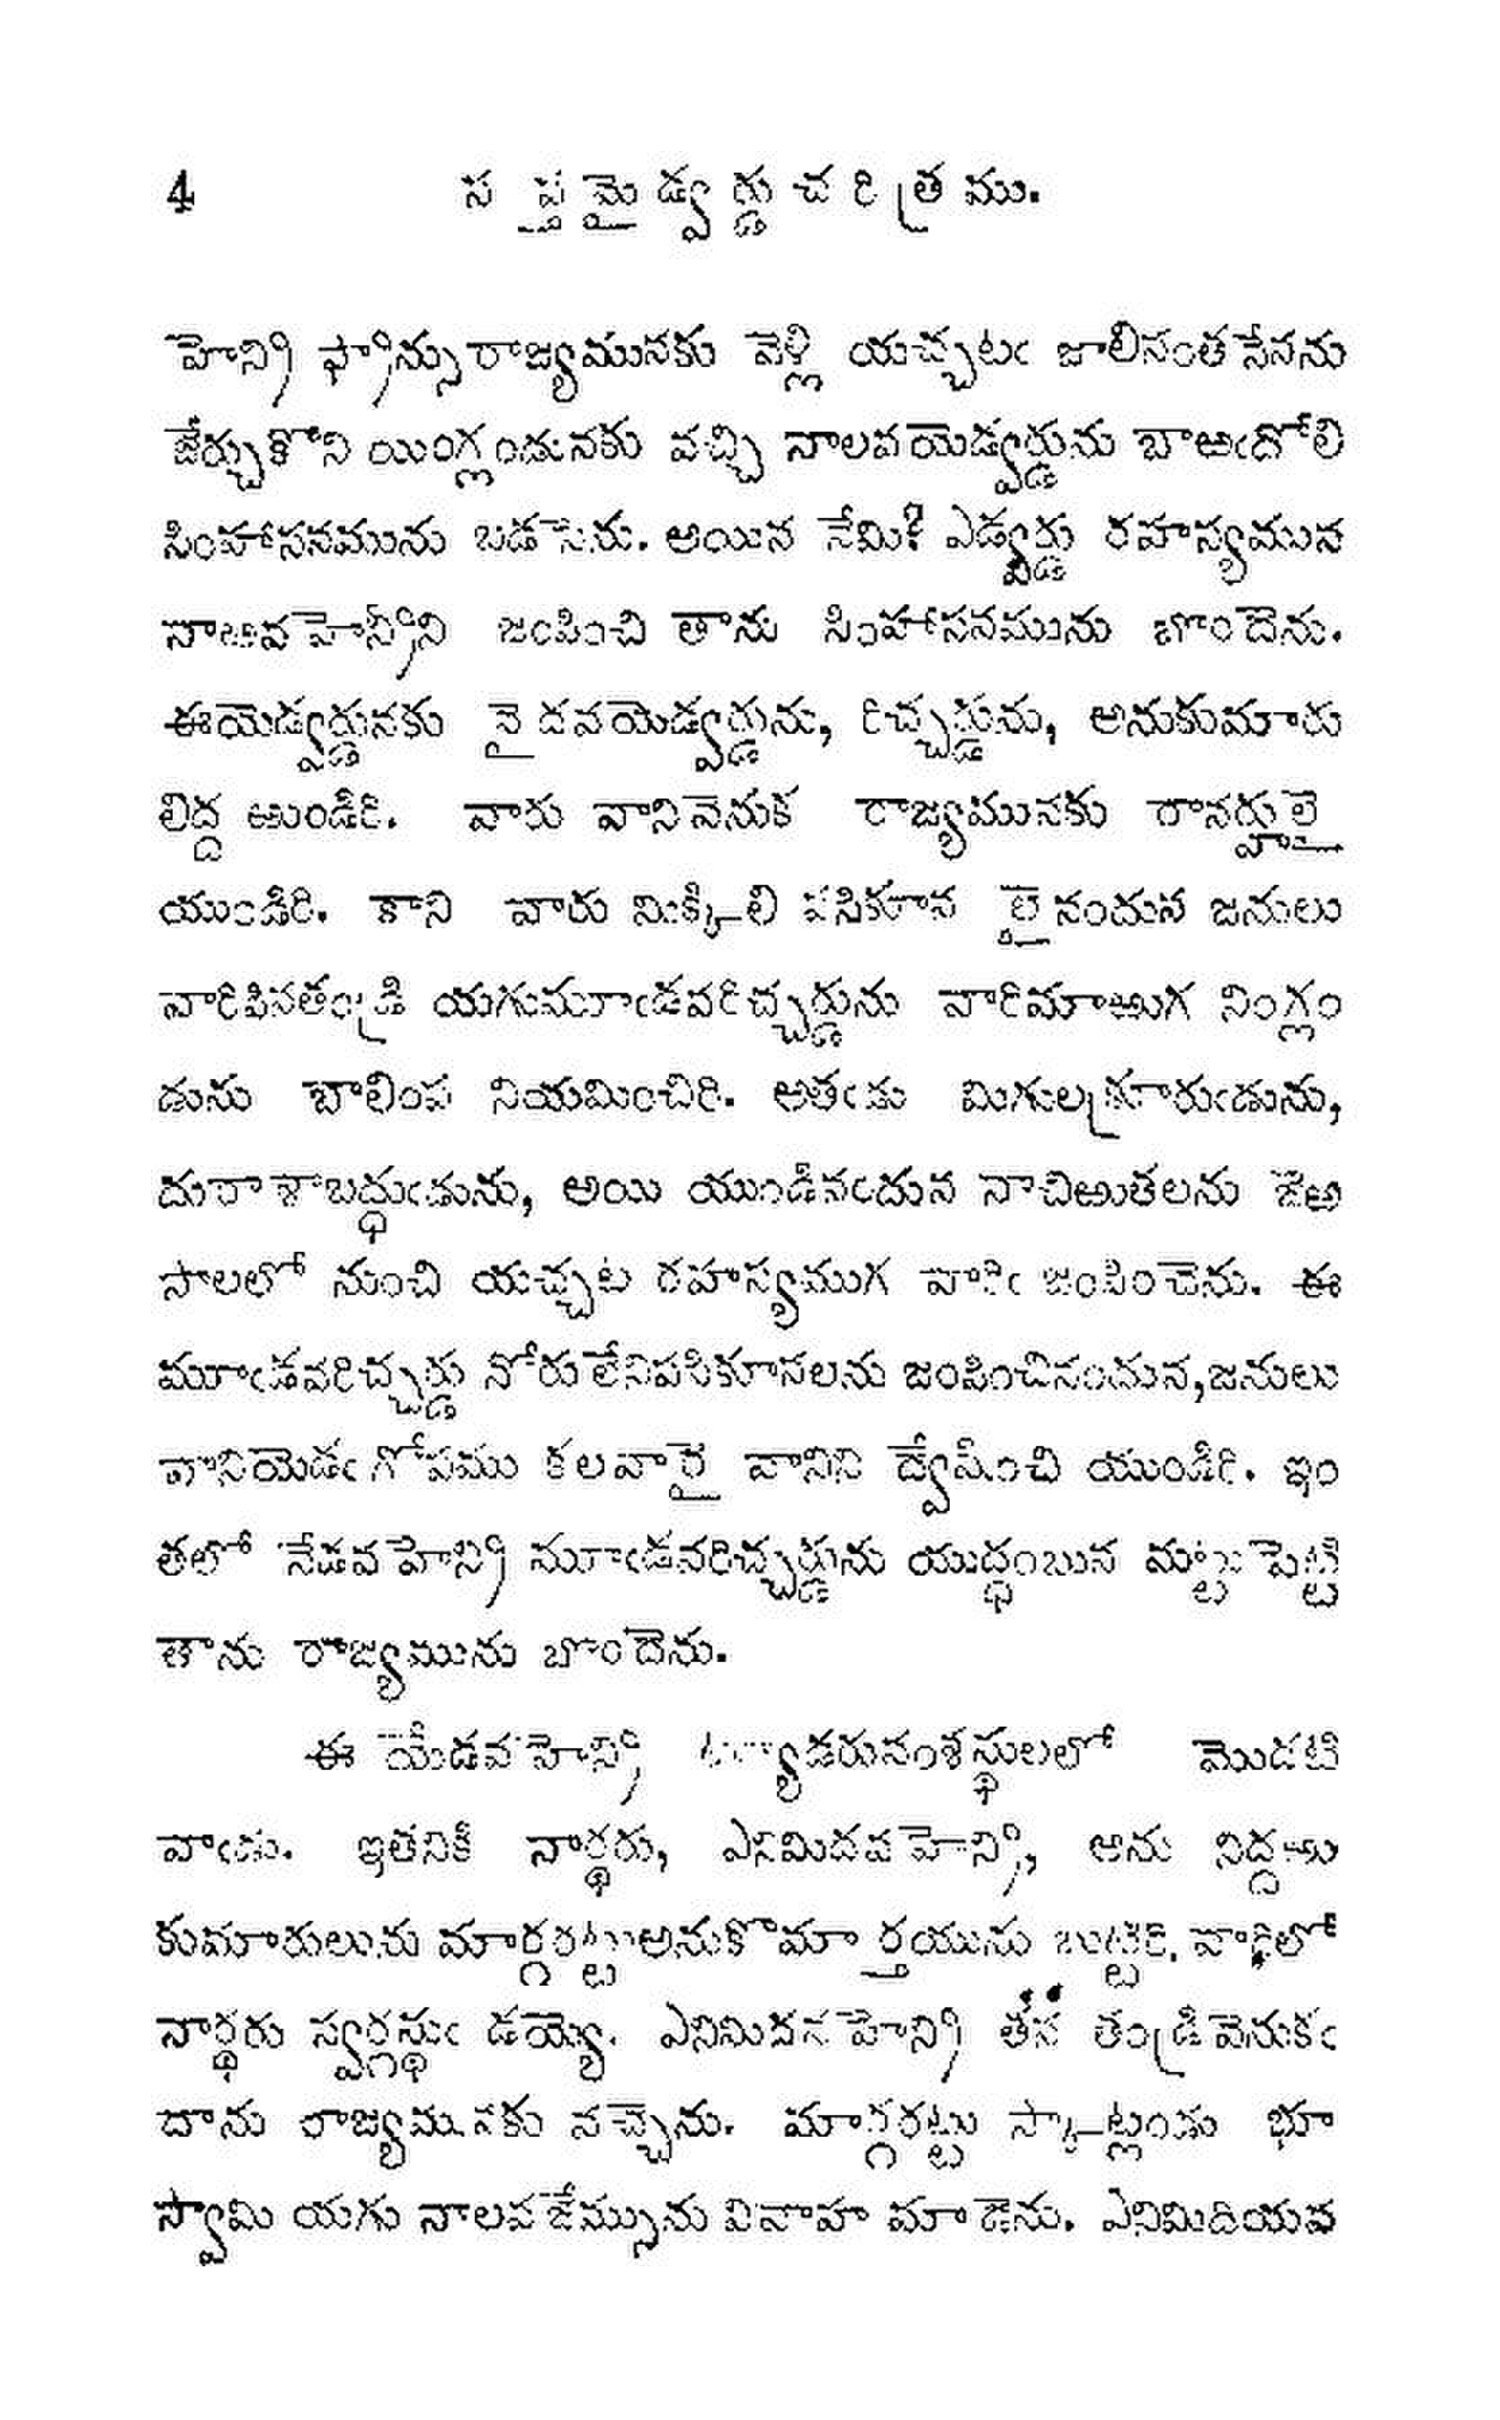హెన్రి ఫ్రాన్సు రాజ్యమునకు వెళ్లి యచ్చటఁ జాలినంతసేనను జేర్చుకొని యింగ్లండునకు వచ్చి నాలవయెడ్వర్డును బాఱఁదోలి సింహాసనమును బడసెను. అయిన నేమి? ఎడ్వర్డు రహస్యమున
నాఱవహెన్రీని జపించి తాను సింహాసనమును బొందెను. ఈయెడ్వర్డునకు నైదవయెడ్వర్డును, రిచ్చర్డును, అనుకుమారు లిద్ద ఱుండిరి. వారు వానివెనుక రాజ్యమునకు రానర్హులై యుండిరి. కాని వారు మిక్కిలి పసికూన లైనందున జనులు వారిపినతండ్రి యగుమూఁడవరిచ్చర్డును వారిమాఱుగ నింగ్లండును బాలింప నియమించిరి. అతఁడు మిగులక్రూరుఁడును, దురాశాబద్ధుఁడును, అయి యుండినందున నాచిఱుతలను జెఱసాలలో నుంచి యచ్చట రహస్యముగ వారిఁ జంపించెను. ఈ
మూఁడవిరిచ్చర్డు నోరులేనిపసికూనలను జంపించినందున, జనులు వానియెడఁ గోపము కలవారై వానిని ద్వేషించి యుండిరి. ఇంతలో నేడవహెన్రి మూఁడవరిచ్చర్డును యుద్ధంబున మట్టుపెట్టి తాను రాజ్యమును బొందెను.

ఈ యేడవహెన్రి ట్యూడరువంశస్థులలో మొదటివాఁడు. ఇతనికి నార్థరు, ఎమిదవహెన్రి, అను నిద్దఱు కుమారులును మార్గరట్టు అనుకొమార్తయును బుట్టిరి. వారిలో నార్థరు స్వర్గస్థుఁ డయ్యె. ఎనిమిదవహెన్రి తన తండ్రివెనుకఁ దాను రాజ్యమునకు వచ్చెను. మార్గరట్టు స్కాట్లండు భూస్వామి యగు నాలవ జేమ్సును వివాహ మాడెను. ఎనిమిదియవ